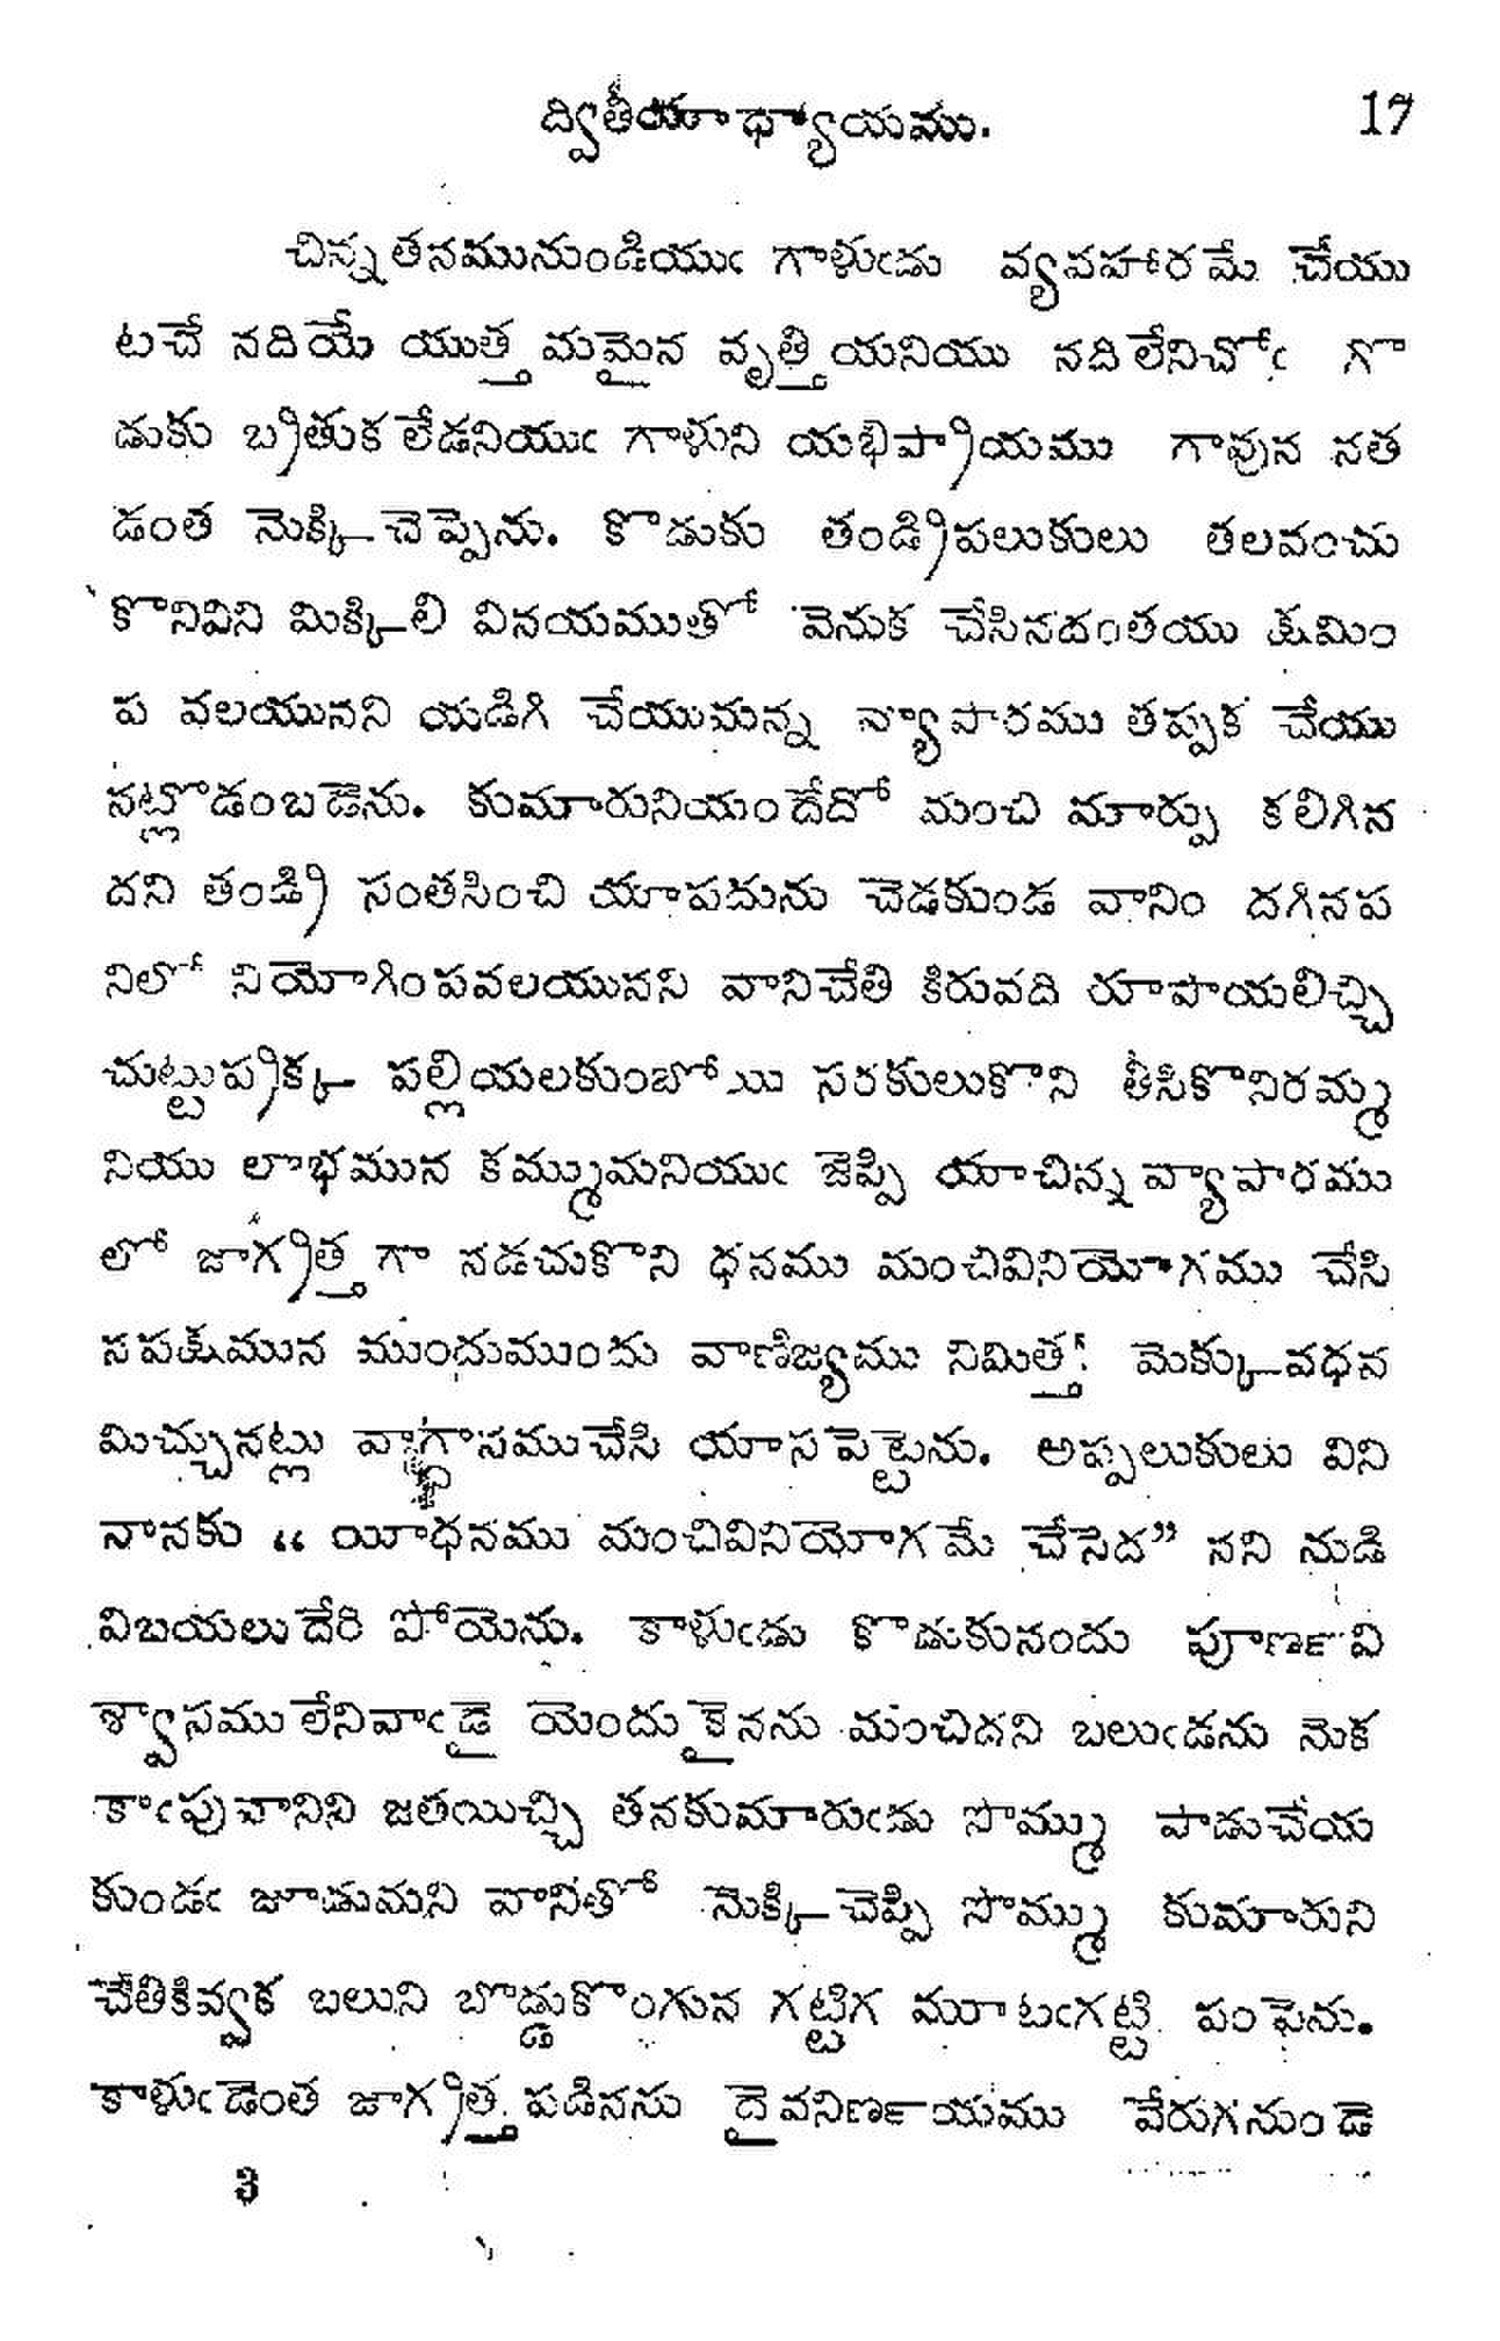చిన్నతనమునుండియు గాళుడు వ్యవహారమే చేయుటచే నదియే యుత్తమమైన వృత్తియనియు నదిలేనిచో గొడుకు బ్రతుకలేడనియు గాళుని యభిప్రాయము గావున నతడంత నొక్కిచెప్పెను. కొడుకు తండ్రిపలుకులు తలవంచుకొనివిని మిక్కిలి వినయముతో వెనుక చేసినదంతయు క్షమింప వలయునని యడిగి చేయుమన్న వ్యాపారము తప్పక చేయునట్లొడంబడెను. కుమారునియందేదో మంచి మార్పు కలిగిన దని తండ్రి సంతసించి యాపదును చెడకుండ వానిం దగినపనిలో నియోగింపవలయునని వానిచేతి కిరువది రూపాయలిచ్చి చుట్టుప్రక్క పల్లియలకుంబోయి సరకులుకొని తీసికొనిరమ్మనియు లాభమున కమ్ముమనియు జెప్పి యాచిన్నవ్యాపారములో జాగ్రత్తగా నడచుకొని ధనము మంచివినియోగము చేసినపక్షమున ముందుముందు వాణిజ్యము నిమిత్త మెక్కువధన మిచ్చునట్లు వాగ్దానముచేసి యాసపెట్టెను. అప్పలుకులు విని నానకు "యీధనము మంచివినియోగమే చేసెద" నని నుడివిబయలుదేరి పోయెను. కాళుడు కొడుకునందు పూణన్ విశ్వాసములేనివాడై యెందుకైనను మంచిదని బలుడను నొక కాపువానిని జతయిచ్చి తనకుమారుడు సొమ్ము పాడుచేయకుండ జూడుమని వానితో నొక్కిచెప్పి సొమ్ము కుమారుని చేతికివ్వక బలుని బొడ్డుకొంగున గట్టిగ మూటగట్టి పంపెను. కాళుడెంత జాగ్రత్తపడినను దైవనిణన్‌యము వేరుగనుండె